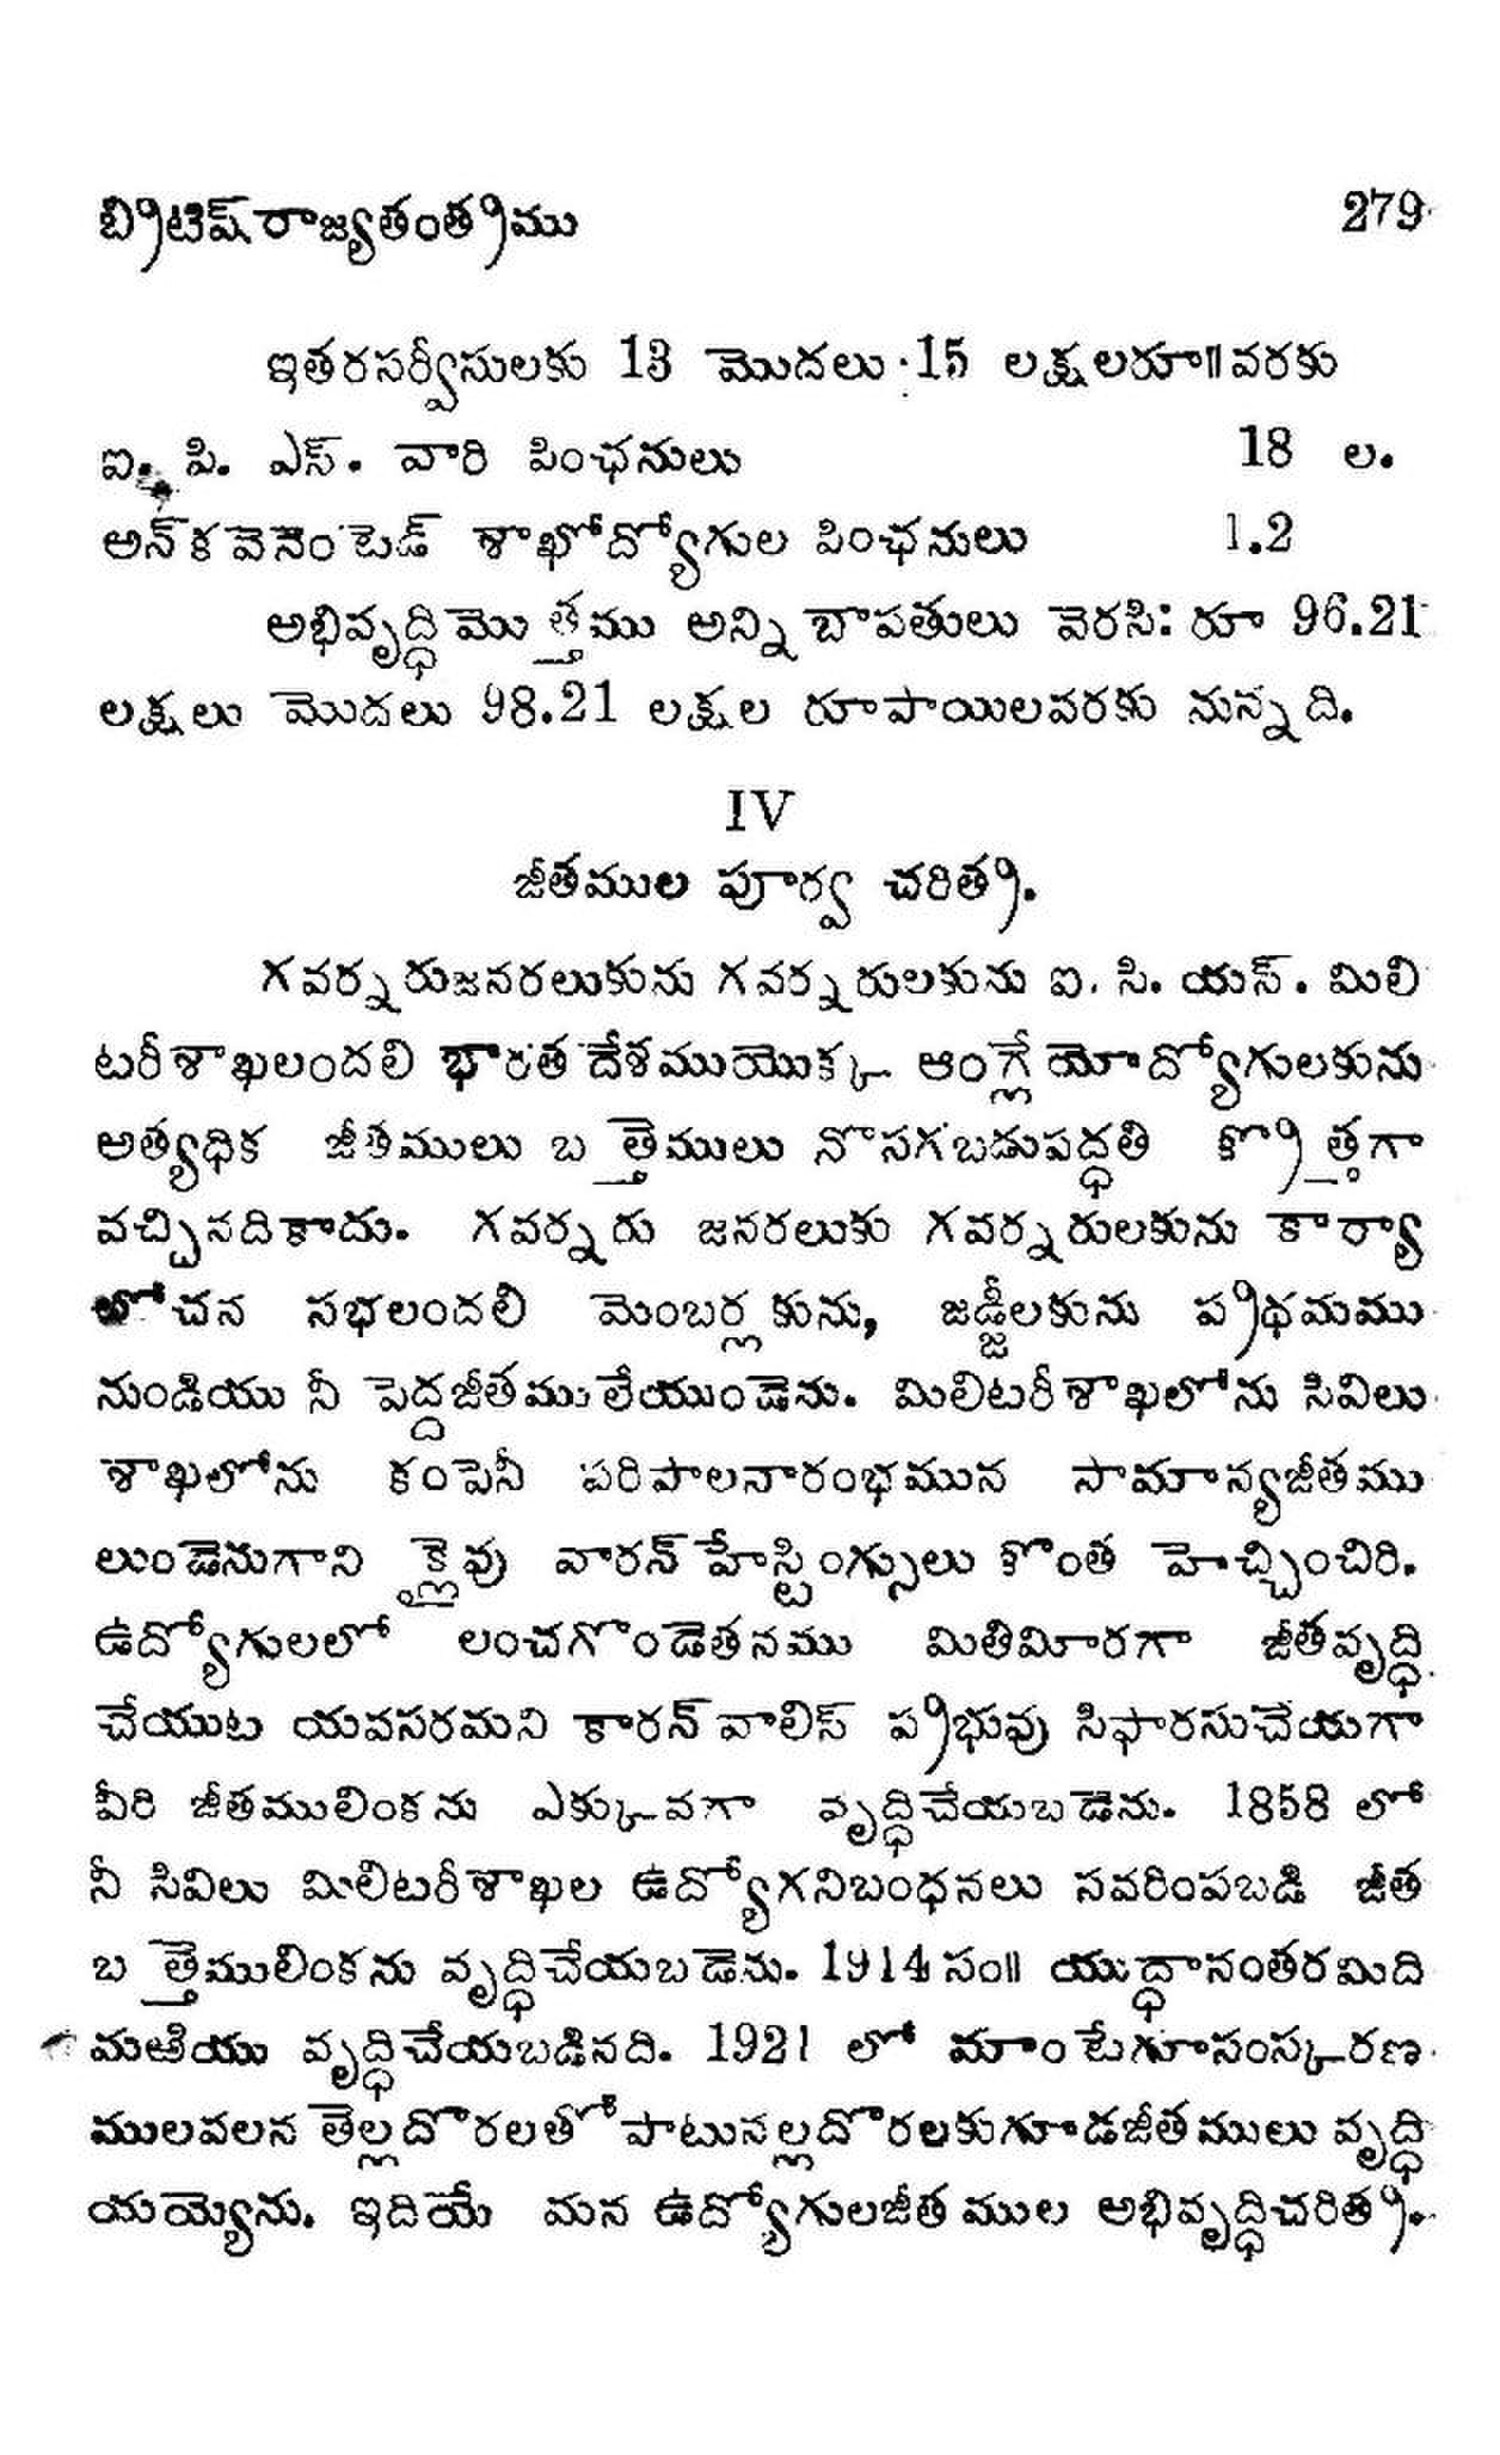ఇతరసర్వీసులకు 13 మొదలు 15 లక్షలరూ. వరకు ఐ. సి. ఎస్. వారి పింఛనులు 18 ల. 

అన్‌కవెనెంటెడ్ శాఖోద్యోగుల పింఛనులు 1.2

అభివృద్ధిమొత్తము అన్ని బాపతులు వెరసి: రూ 96.21 లక్షలు మొదలు 98.21 లక్షల రూపాయిలవరకు నున్న ది.

IV 
జీతముల పూర్వ చరిత్ర. 

గవర్నరుజనరలుకును గవర్నరులకును ఐ. సి. యస్. మిలిటరీశాఖలందలి భారతదేశము యొక్క ఆంగ్లేయోద్యోగులకును అత్యధిక జీతములు బత్తెములు నొసగబడుపద్ధతి క్రొత్తగా వచ్చినదికాదు. గవర్నరు జనరలుకు గవర్నరులకును కార్యాలోచన సభలందలి మెంబర్లకును, జడ్జీలకును ప్రధమము నుండియు నీ పెద్దజీతములేయుండెను. మిలిటరీశాఖలోను సివిలుశాఖలోను కంపెనీ పరిపాలనారంభమున సామాన్యజీతము లుండెనుగాని క్లైవు వారన్ హేస్టింగ్సులు కొంత హెచ్చించిరి. ఉద్యోగులలో లంచగొండెతనము మితిమీరగా జీతవృద్ధి చేయుట యవసరమని కారన్ వాలిస్ ప్రభువు సిఫారసుచేయగా వీరి జీతములింకను ఎక్కువగా వృద్ధిచేయబడెను. 1858 లో నీ సివిలు మిలిటరీశాఖల ఉద్యోగనిబంధనలు సవరింపబడి జీతబత్తెములింకను వృద్ధిచేయబడెను. 1914 సం|| యుద్ధానంతరమిది మఱియు వృద్ధిచేయబడినది. 1921 లో మాంటేగూసంస్కరణములవలన తెల్లదొరలతోపాటు నల్లదొరలకుగూడజీతములు వృద్ధియయ్యెను. ఇదియే మన ఉద్యోగులజీతముల అభివృద్ధిచరిత్ర